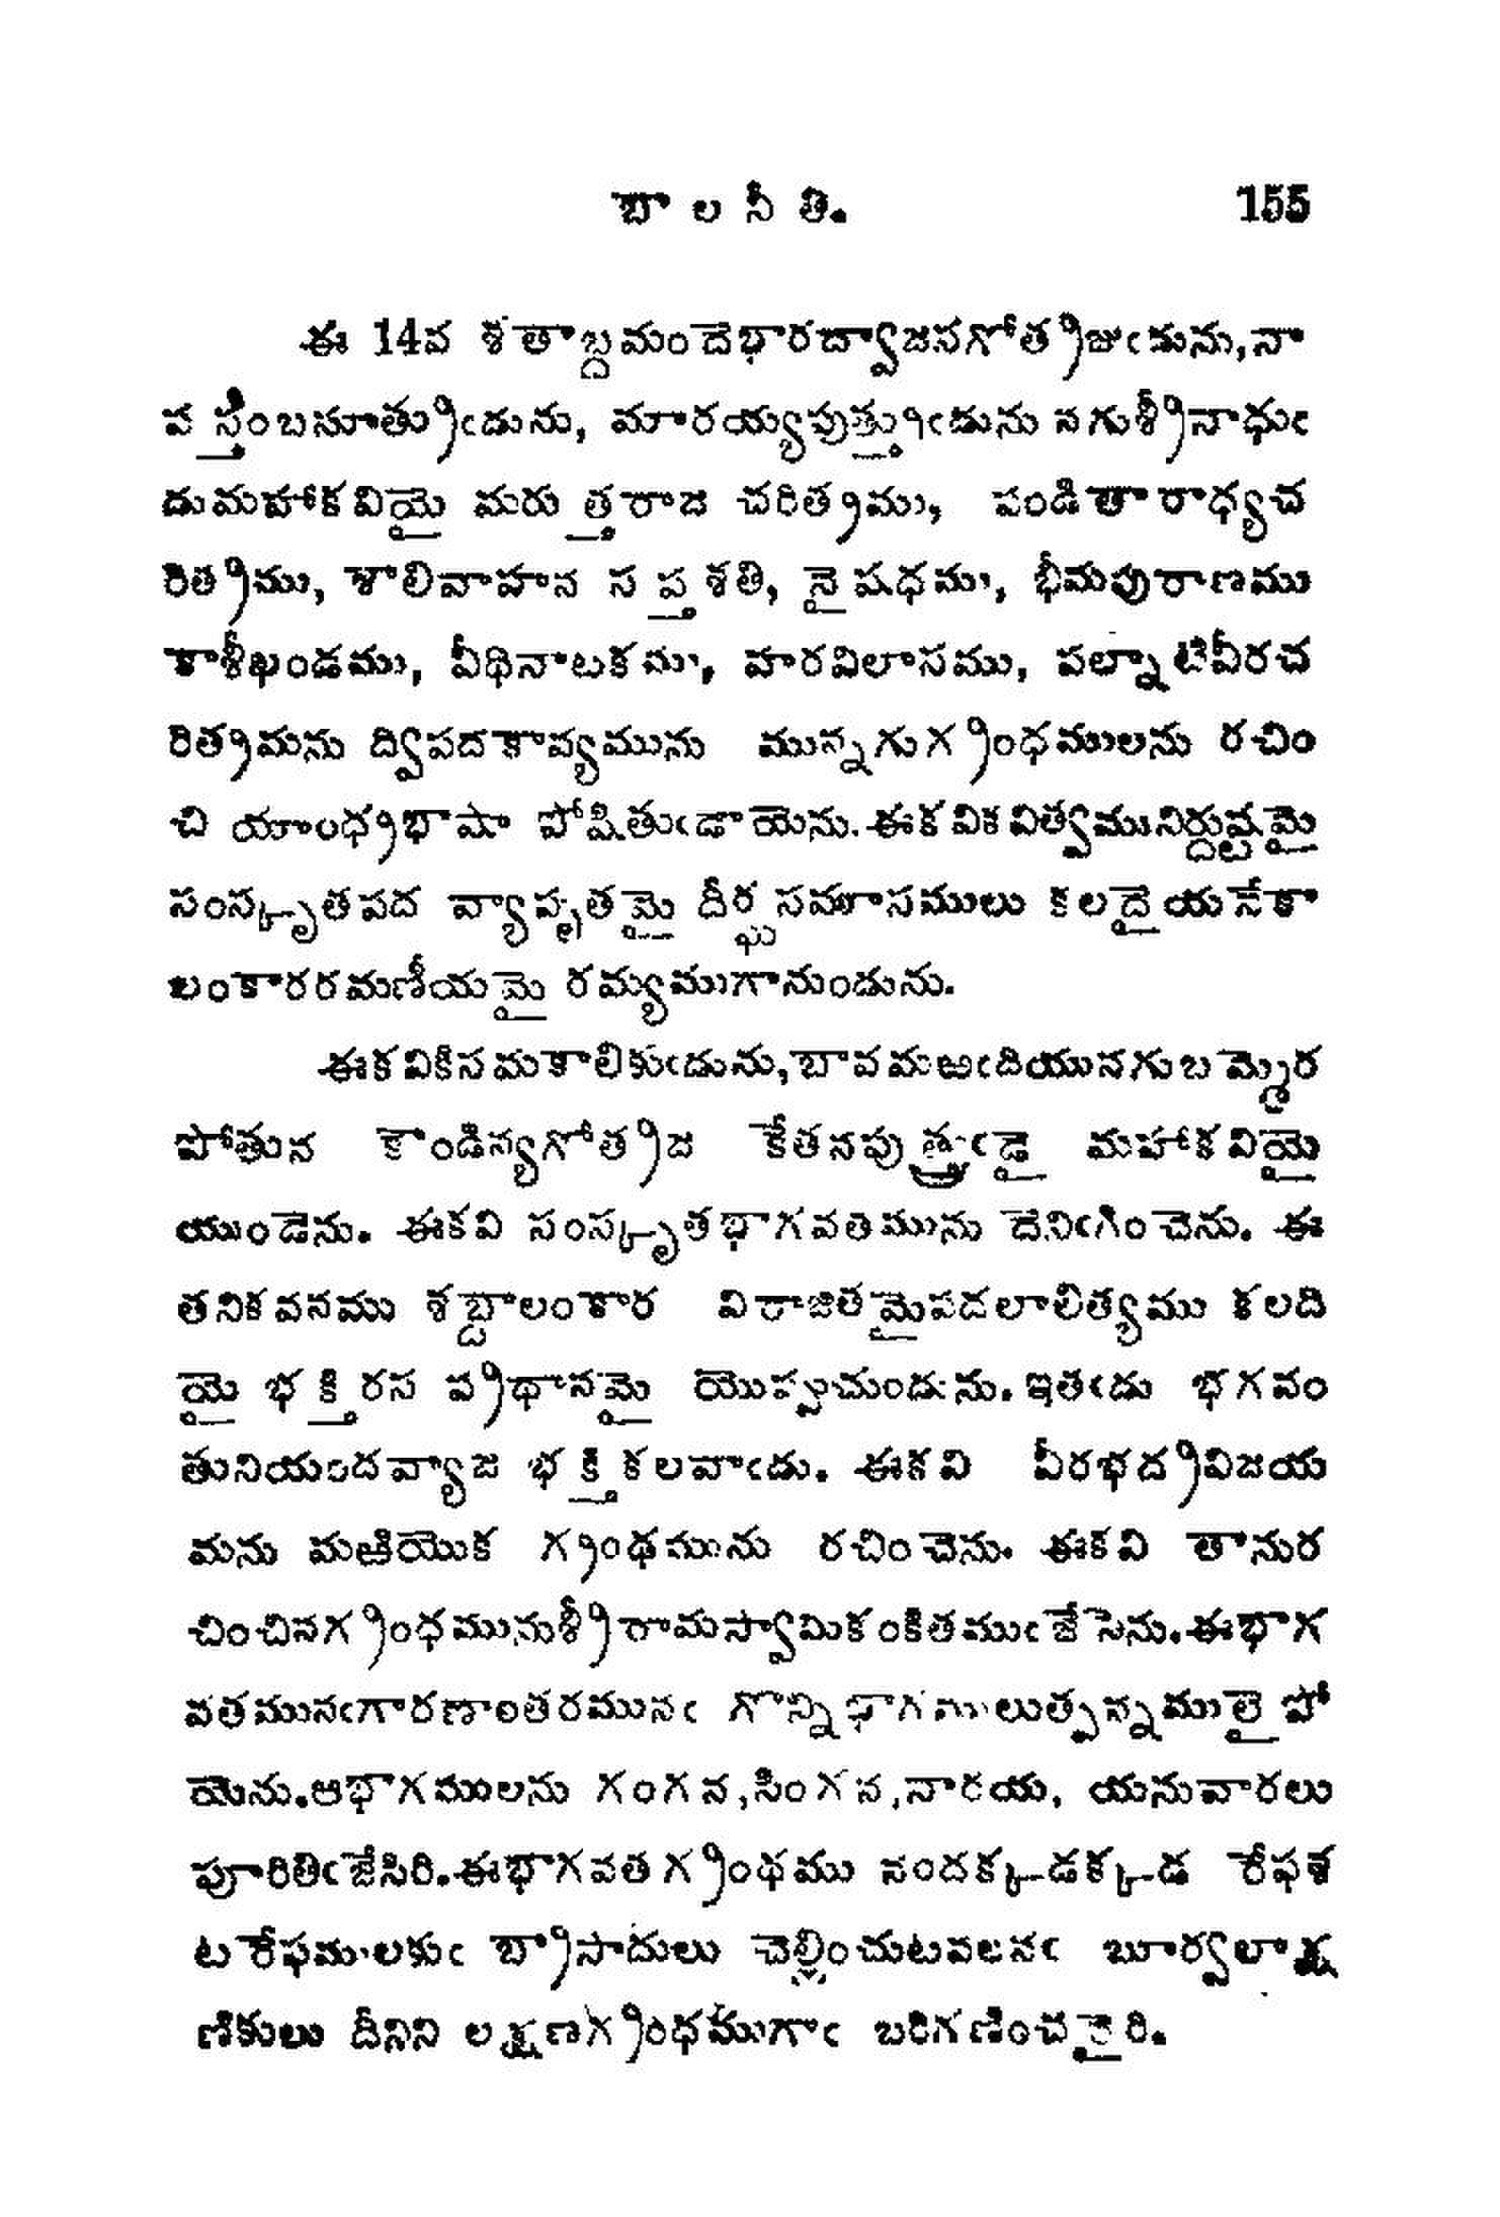ఈ 14వ శతాబ్దమందెభారద్వాజసగోత్రజుఁడును, నా
పస్తంబసూత్రుఁడును, మారయ్యపుత్త్రుఁడును నగుశ్రీనాధుఁ
డుమహాకవియై మరుత్తరాజ చరిత్రము, పండితారాధ్యచ
రిత్రము, శాలివాహన సప్తశతి, నైషధము, భీమపురాణము, 
కాశీఖండము, వీధినాటకము, హరవిలాసము, పల్నాటివీరచ
రిత్రమను ద్విపదకావ్యమును మున్నగుగ్రంధములను రచిం
చి యాంధ్రభాషా పోషితుఁడాయెను. ఈకవికవిత్వము నిర్దుష్టమై 
సంస్కృతపద వ్యాపృతమై దీర్ఘసమాసములు కలదై యనేకా
లంకారరమణీయమై రమ్యముగానుండును.

ఈకవికిసమకాలికుఁడును, బావమఱఁదియునగు బమ్మెర
పోతన కౌండిన్యగోత్రజ కేతనపుత్త్రుఁడై మహాకవియై
యుండెను. ఈకవి సంస్కృతభాగవతమును దెనిఁగించెను. ఈ
తనికవనము శబ్దాలంకార విరాజితమై పదలాలిత్యము కలది
యై భక్తిరస ప్రధానమై యొప్పుచుండును. ఇతఁడు భగవం
తునియందవ్యాజ భక్తికలవాఁడు. ఈకవి వీరభధ్రవిజయ
మను మఱియొక గ్రంధమును రచించెను. ఈకవి తానుర
చించినగ్రంధమును శ్రీరామస్వామికంకితముఁజేసెను. ఈభాగ
వతమునఁ గారణాంతరమునఁ గొన్నిభాగములుత్పన్నములైపో
యెను. ఆభాగములను గంగన, సింగన, నారయ యనువారలు 
పూరితిఁజేసిరి. ఈభాగవతగ్రంధము నందక్కడక్కడ రేఫశ
కటరేఫములకుఁ బ్రాసాదులు చెల్లించుటవలనఁ బూర్వలాక్ష
ణికులు దీనిని లక్షణగ్రంధముగాఁ బరిగణించరైరి.